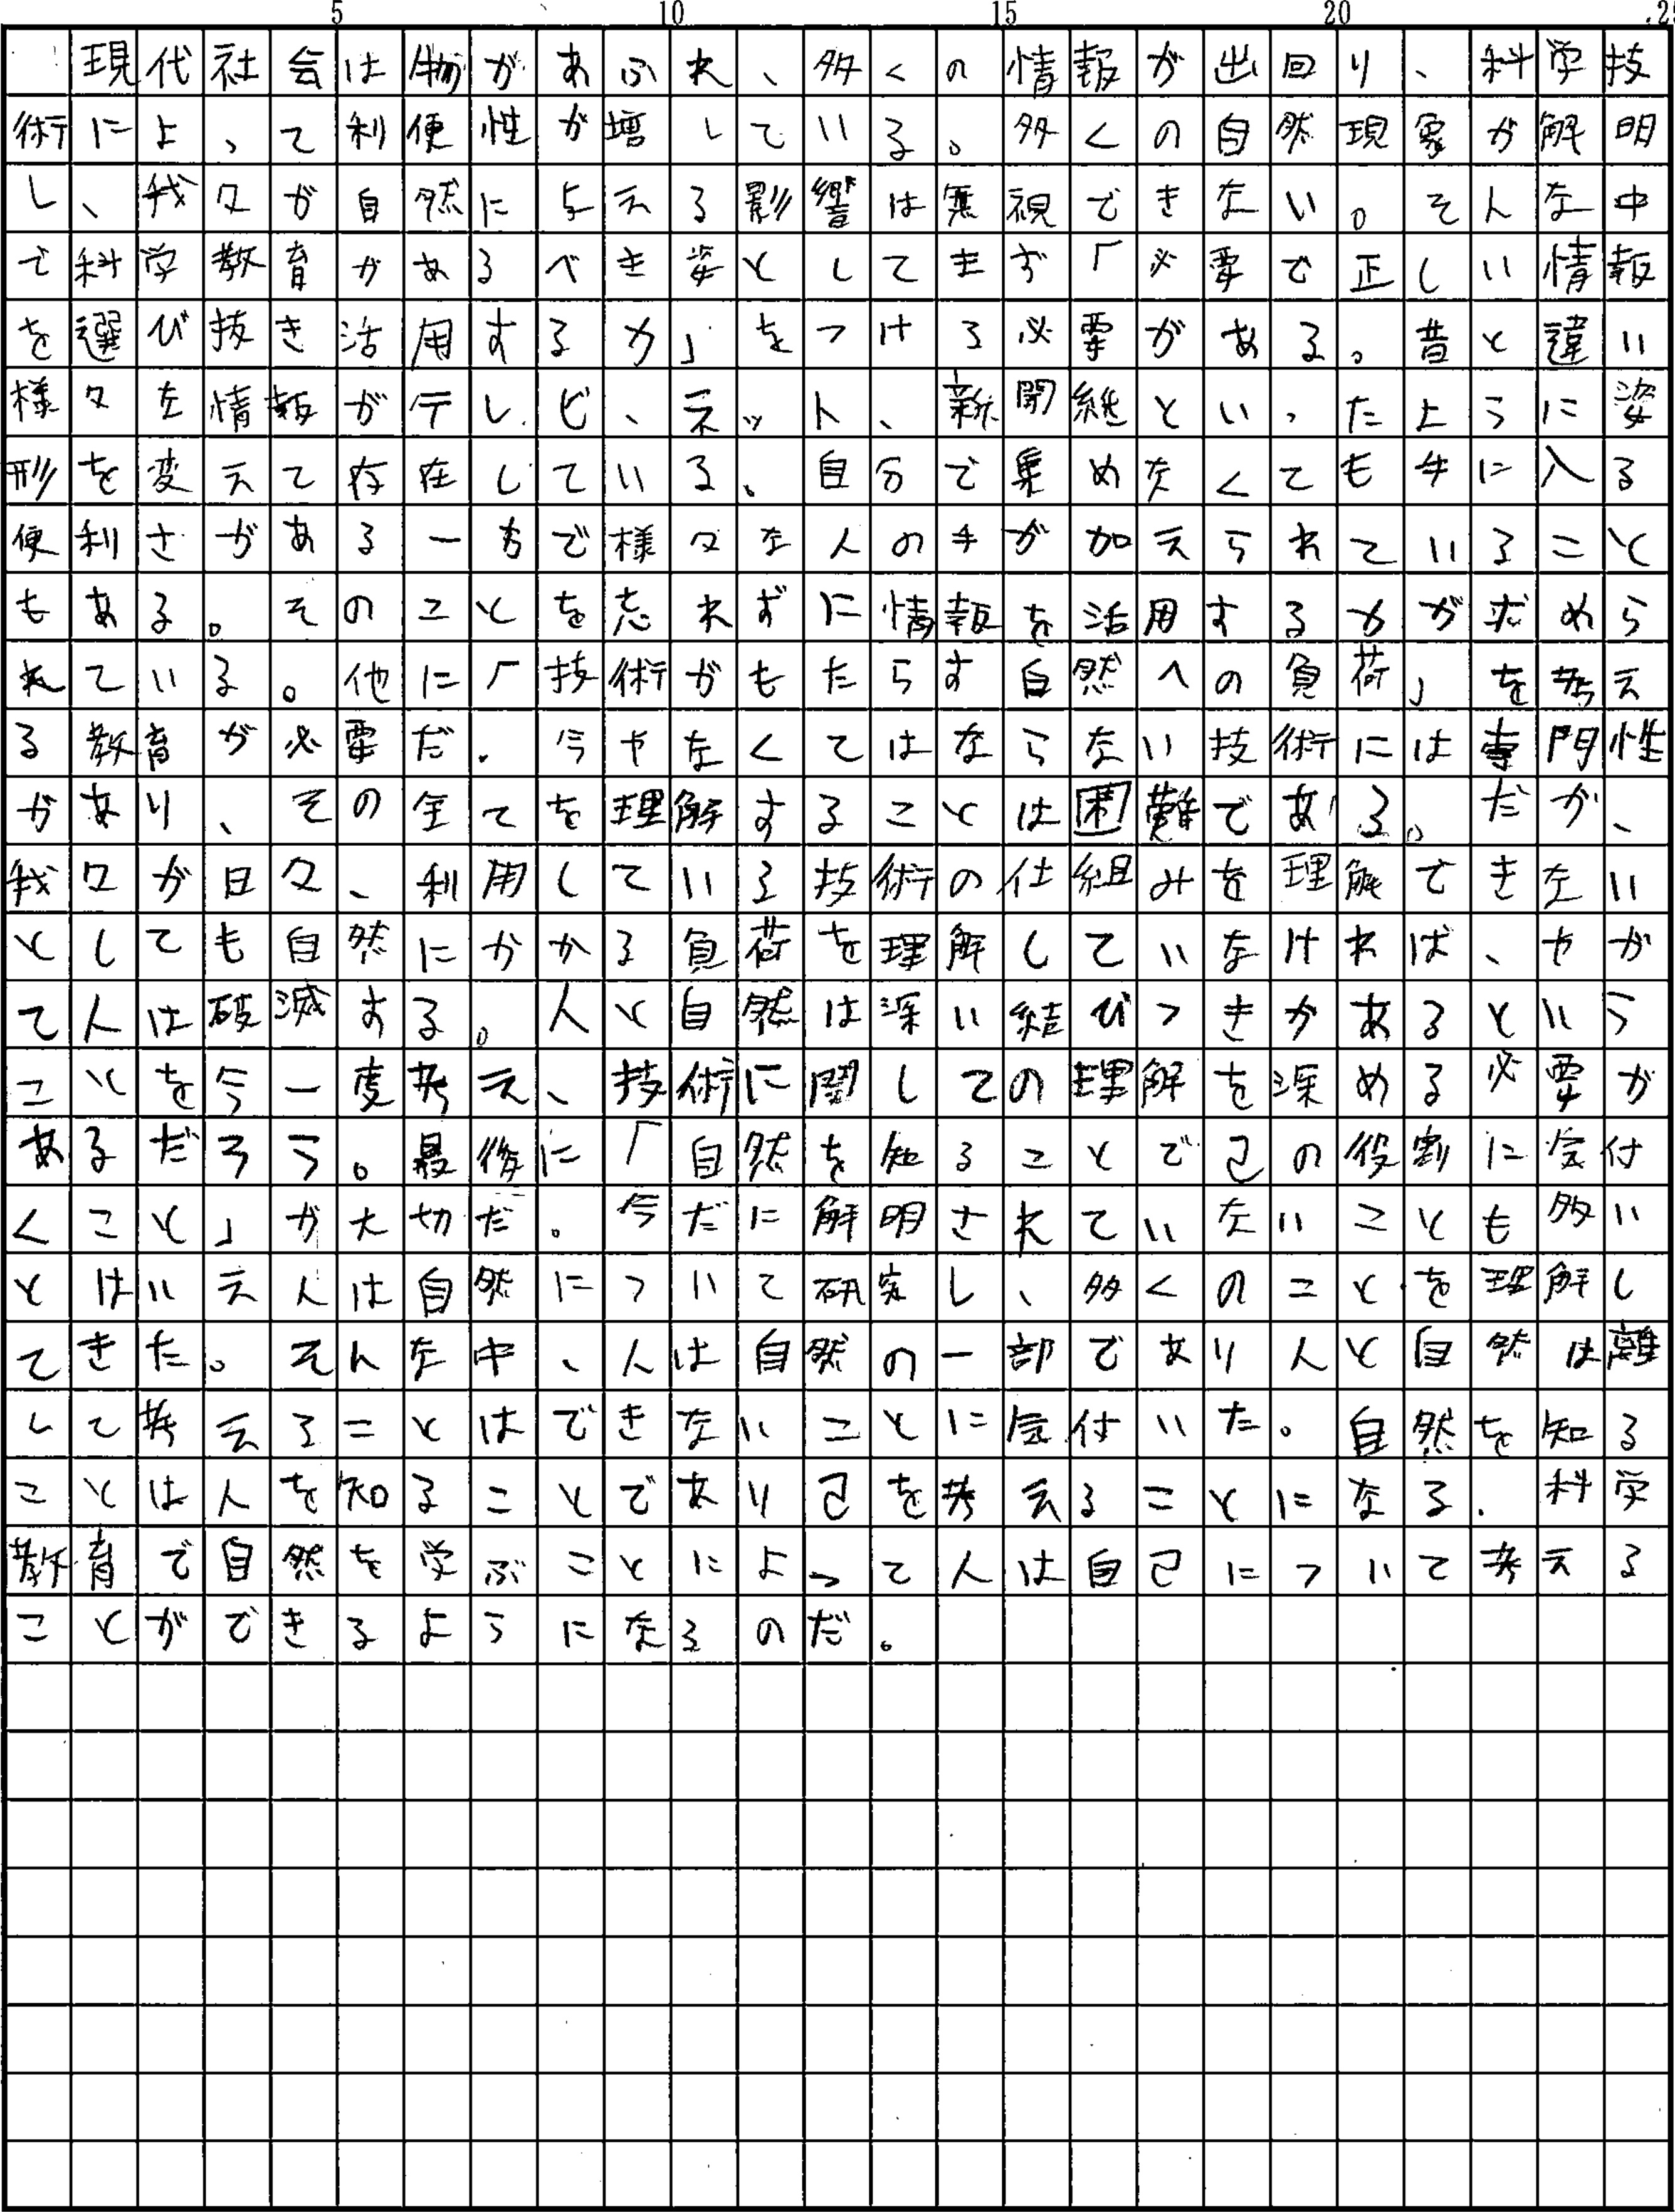　現代社会は物があふれ、多くの情報が出回り、科学技術によって利便性が増している。多くの自▁現象が解明し、我々が自然に与える影響は無視できない。そんな中で科学教育があるべき姿としてまず「必要で正しい情報を選び抜き活用する力」をつける必要がある。昔と違い様々な情▁がテレビ、ネット、新聞▁といったように姿形を変えて存在している。自分で集めなくても手に入る便利さがある一方で様々な人の手が加えられていることもある。そのことを忘れずに情報を活用する力が求められている。他に「技術がもたらす自然への負荷」を考える教育が必要だ。今やなくてはならない技術には専門性があり、その全てを理解することは困難である。だが、我々が日々、利用している技術の仕組みを理解できないとしても自然にかかる負荷を理解していなければ、やがて人は破滅する。人と自然は深い結びつきがあるということを今一度考え、技術に関しての理解を深める必要があるだろう。最後に「自然を知ることで己の役割に気付くこと」が大切だ。今だに解明されていないことも多いとはいえ人は自然について研究し、多くのことを理解してきた。そんな中、人は自然の一部であり人と自然は離して考えることはできないことに気付いた。自然を知ることは人を知ることであり己を考えることになる。科学教育で自然を学ぶことによって人は自己について考えることができるようになるのだ。
